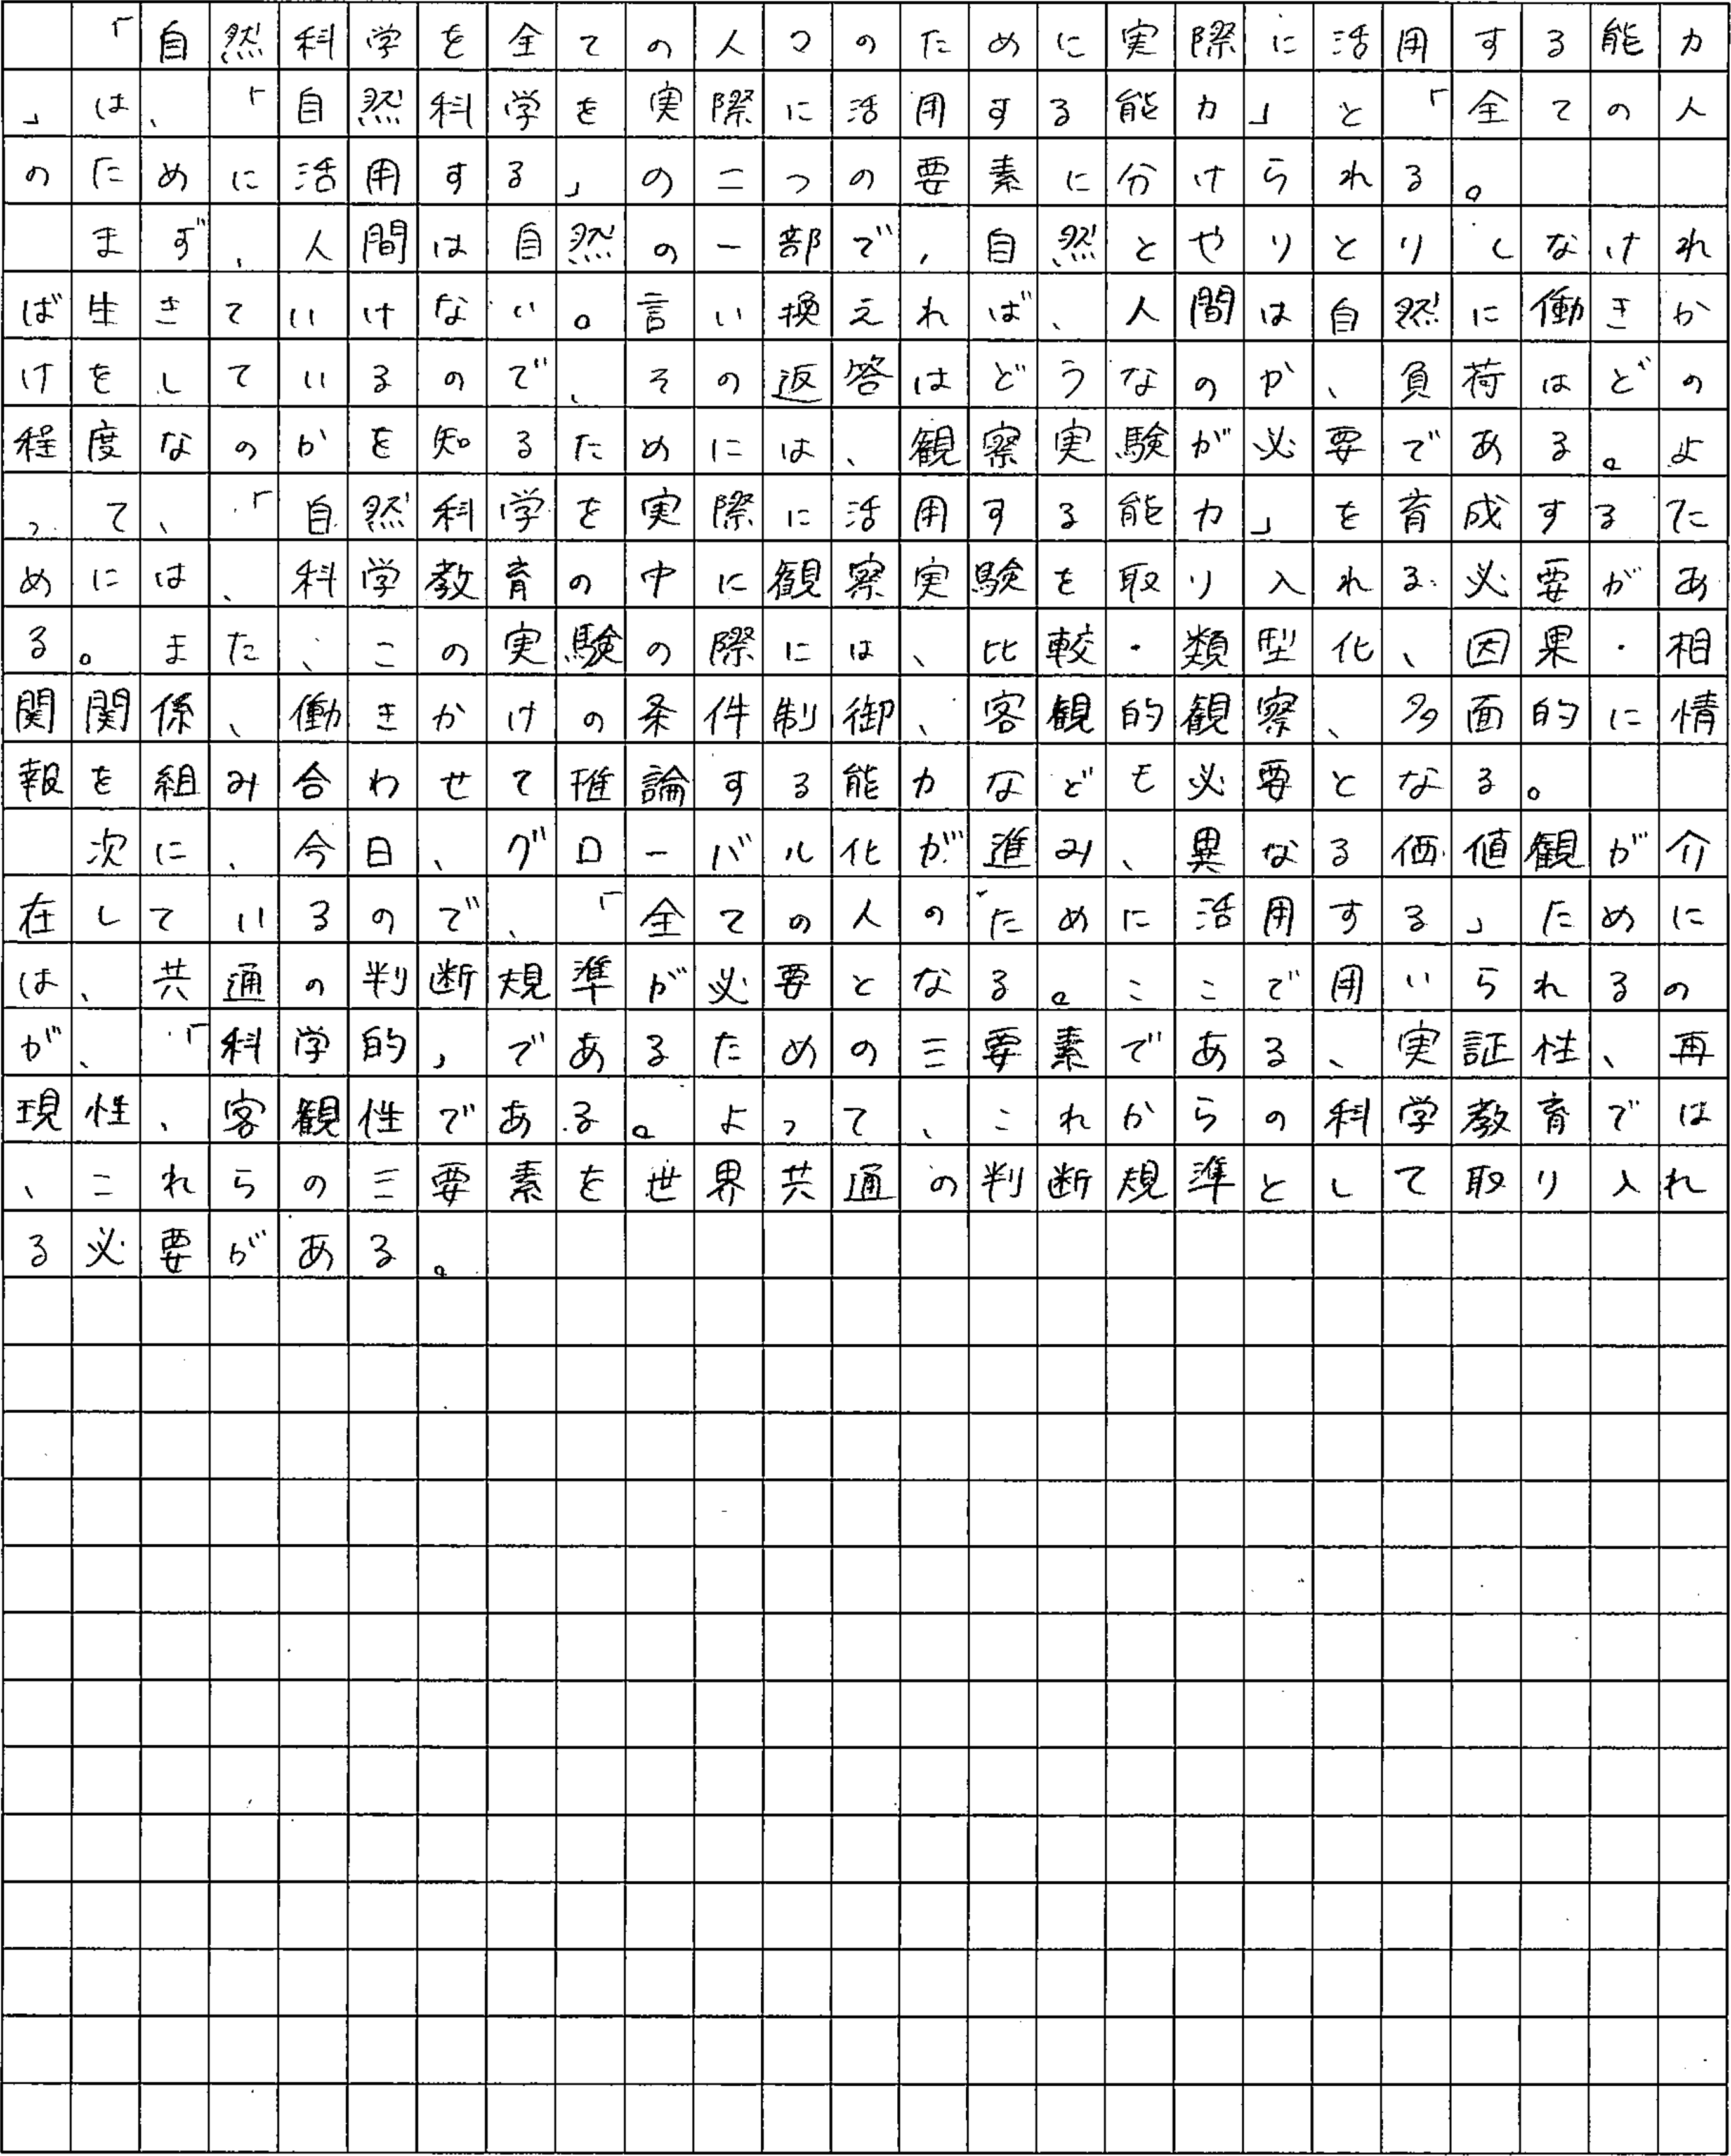　「自然科学を全ての人々のために実際に活用する能力」は、「自然科学を実際に活用する能力」と「全ての人のために活用する」の二つの要素に分けられる。
　まず、人間は自然の一部で、自然とやりとりしなければ生きていけない。言い換えれば、人間は自然に働きかけをしているので、その返答はどうなのか、負荷はどの程度なのかを知るためには、観察実験が必要である。よって、「自然科学を実際に活用する能力」を育成するめには、科学教育の中に観察実験を取り入れる必要がある。また、この実験の際には、比較・類型化、因果・相関関係、働きかけの条件制御、客観的観察、多面的に情報を組み合わせて推論する能力なども必要となる。
　次に、今日、グローバル化が進み、異なる価値観が介在しているので、「全ての人のために活用する」ためには、共通の判断規準が必要となる。ここで用いられるのが、「科学的」であるための三要素である、実証性、再現性、客観性である。よって、これからの科学教育では、これらの三要素を世界共通の判断規準として取り入れる必要がある。
